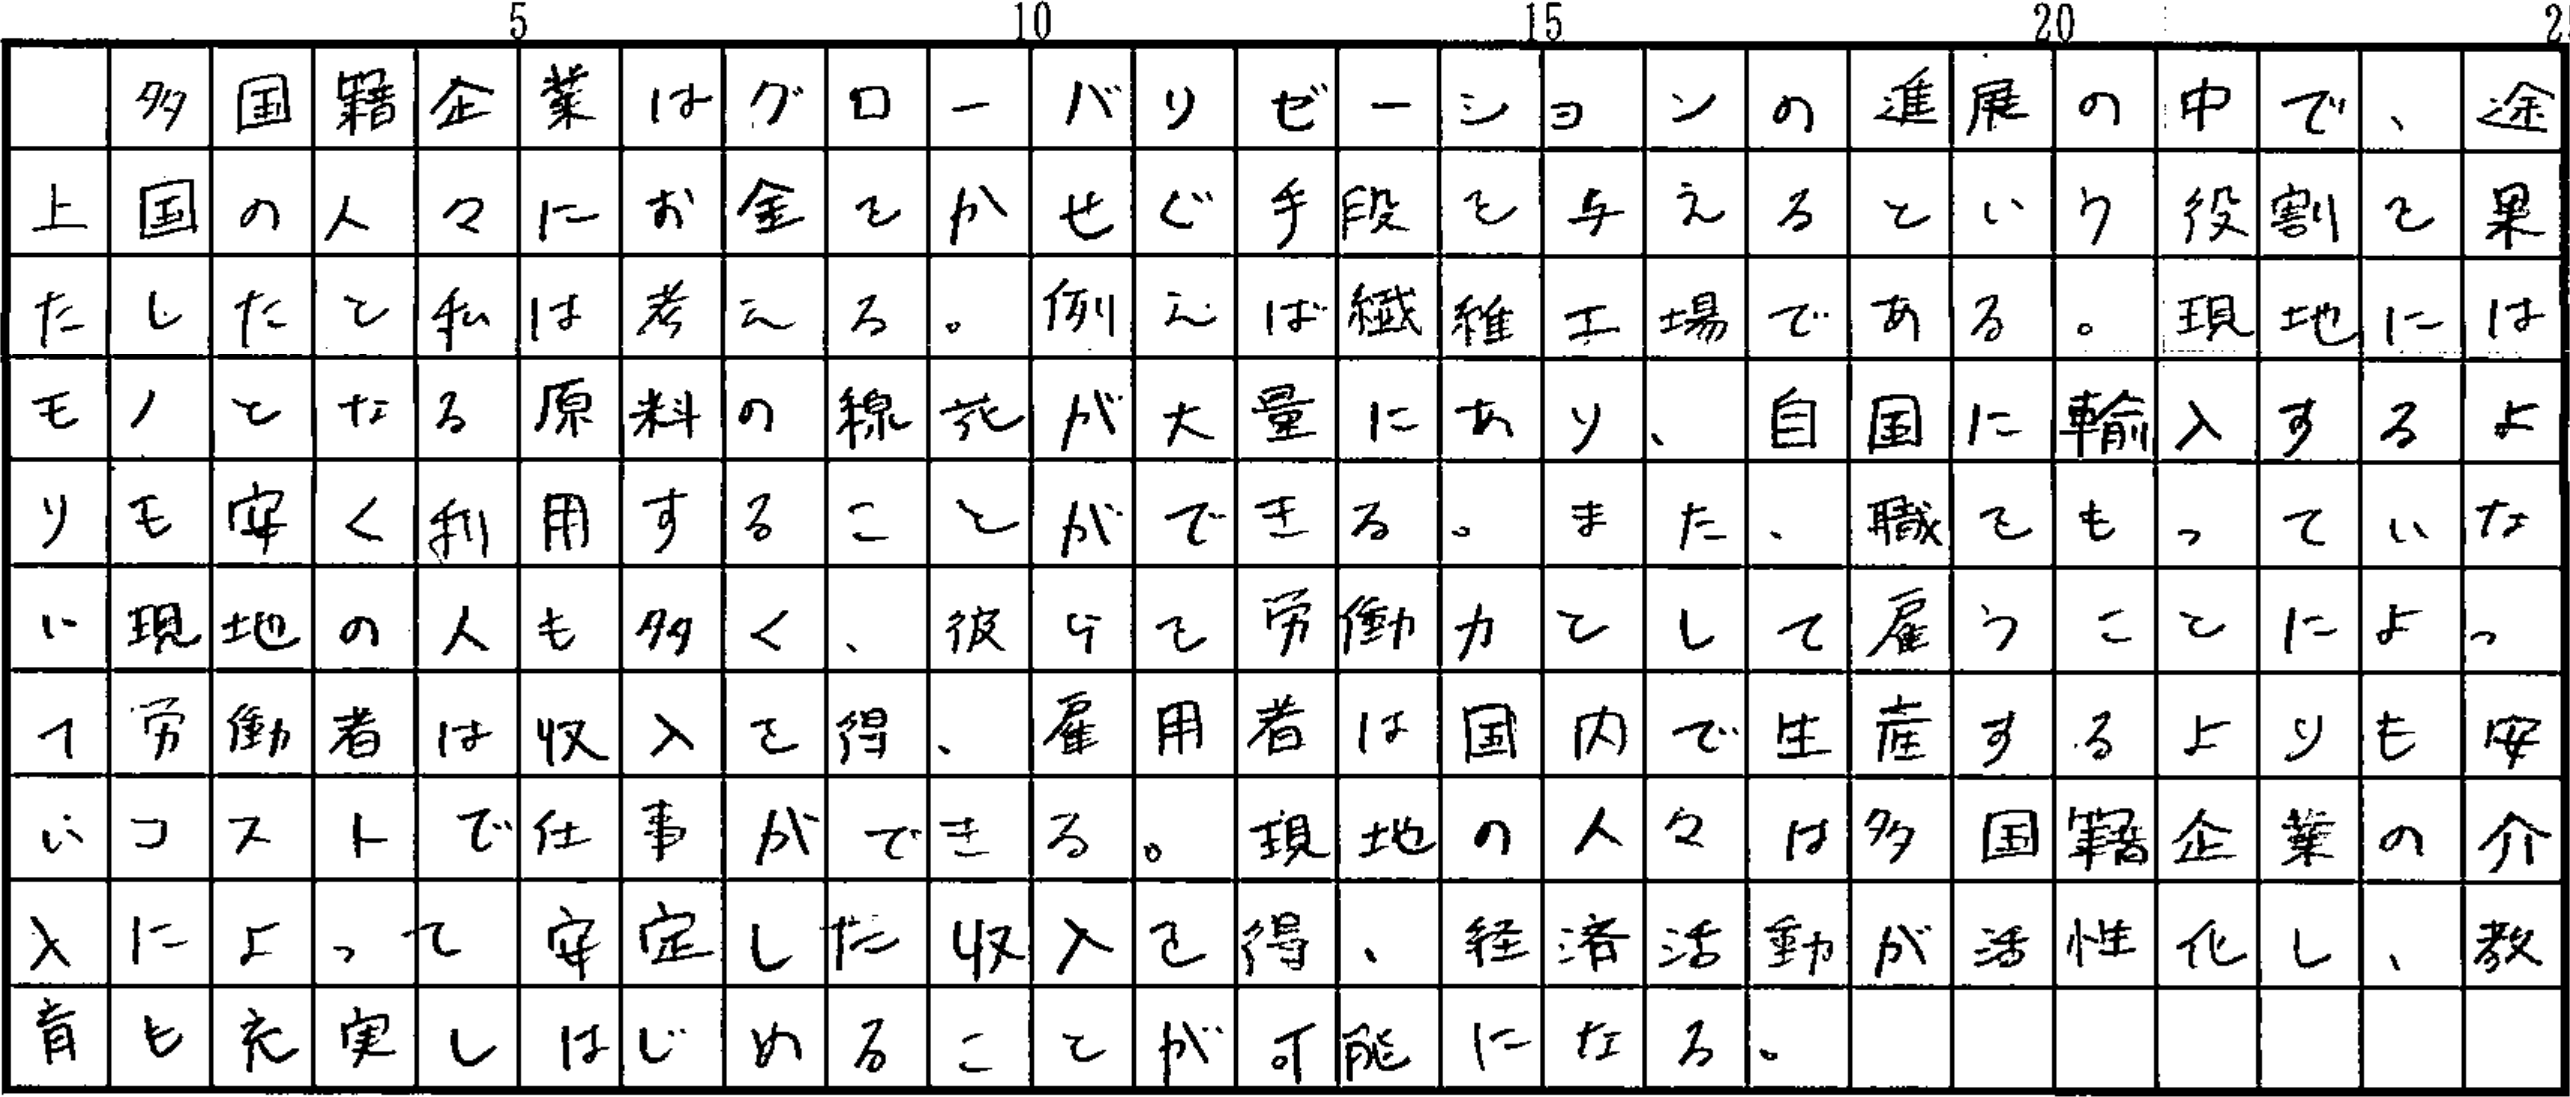　多国籍企業はグローバリゼーションの進展の中で、途上国の人々にお金をかせぐ手段を与えるという役割を果たしたと私は考える。例えば繊維工場である。現地にはモノとなる原料の▁花が大量にあり、自国に輸入するよりも安く利用することができる。また、職をもっていない現地の人も多く、彼らを労働力として雇うことによって労働者は収入を得、雇用者は国内で生産するよりも安いコストで仕事ができる。現地の人々は多国籍企業の介入によって安定した収入を得、経済活動が活性化し、教育も充実しはじめることが可能になる。
